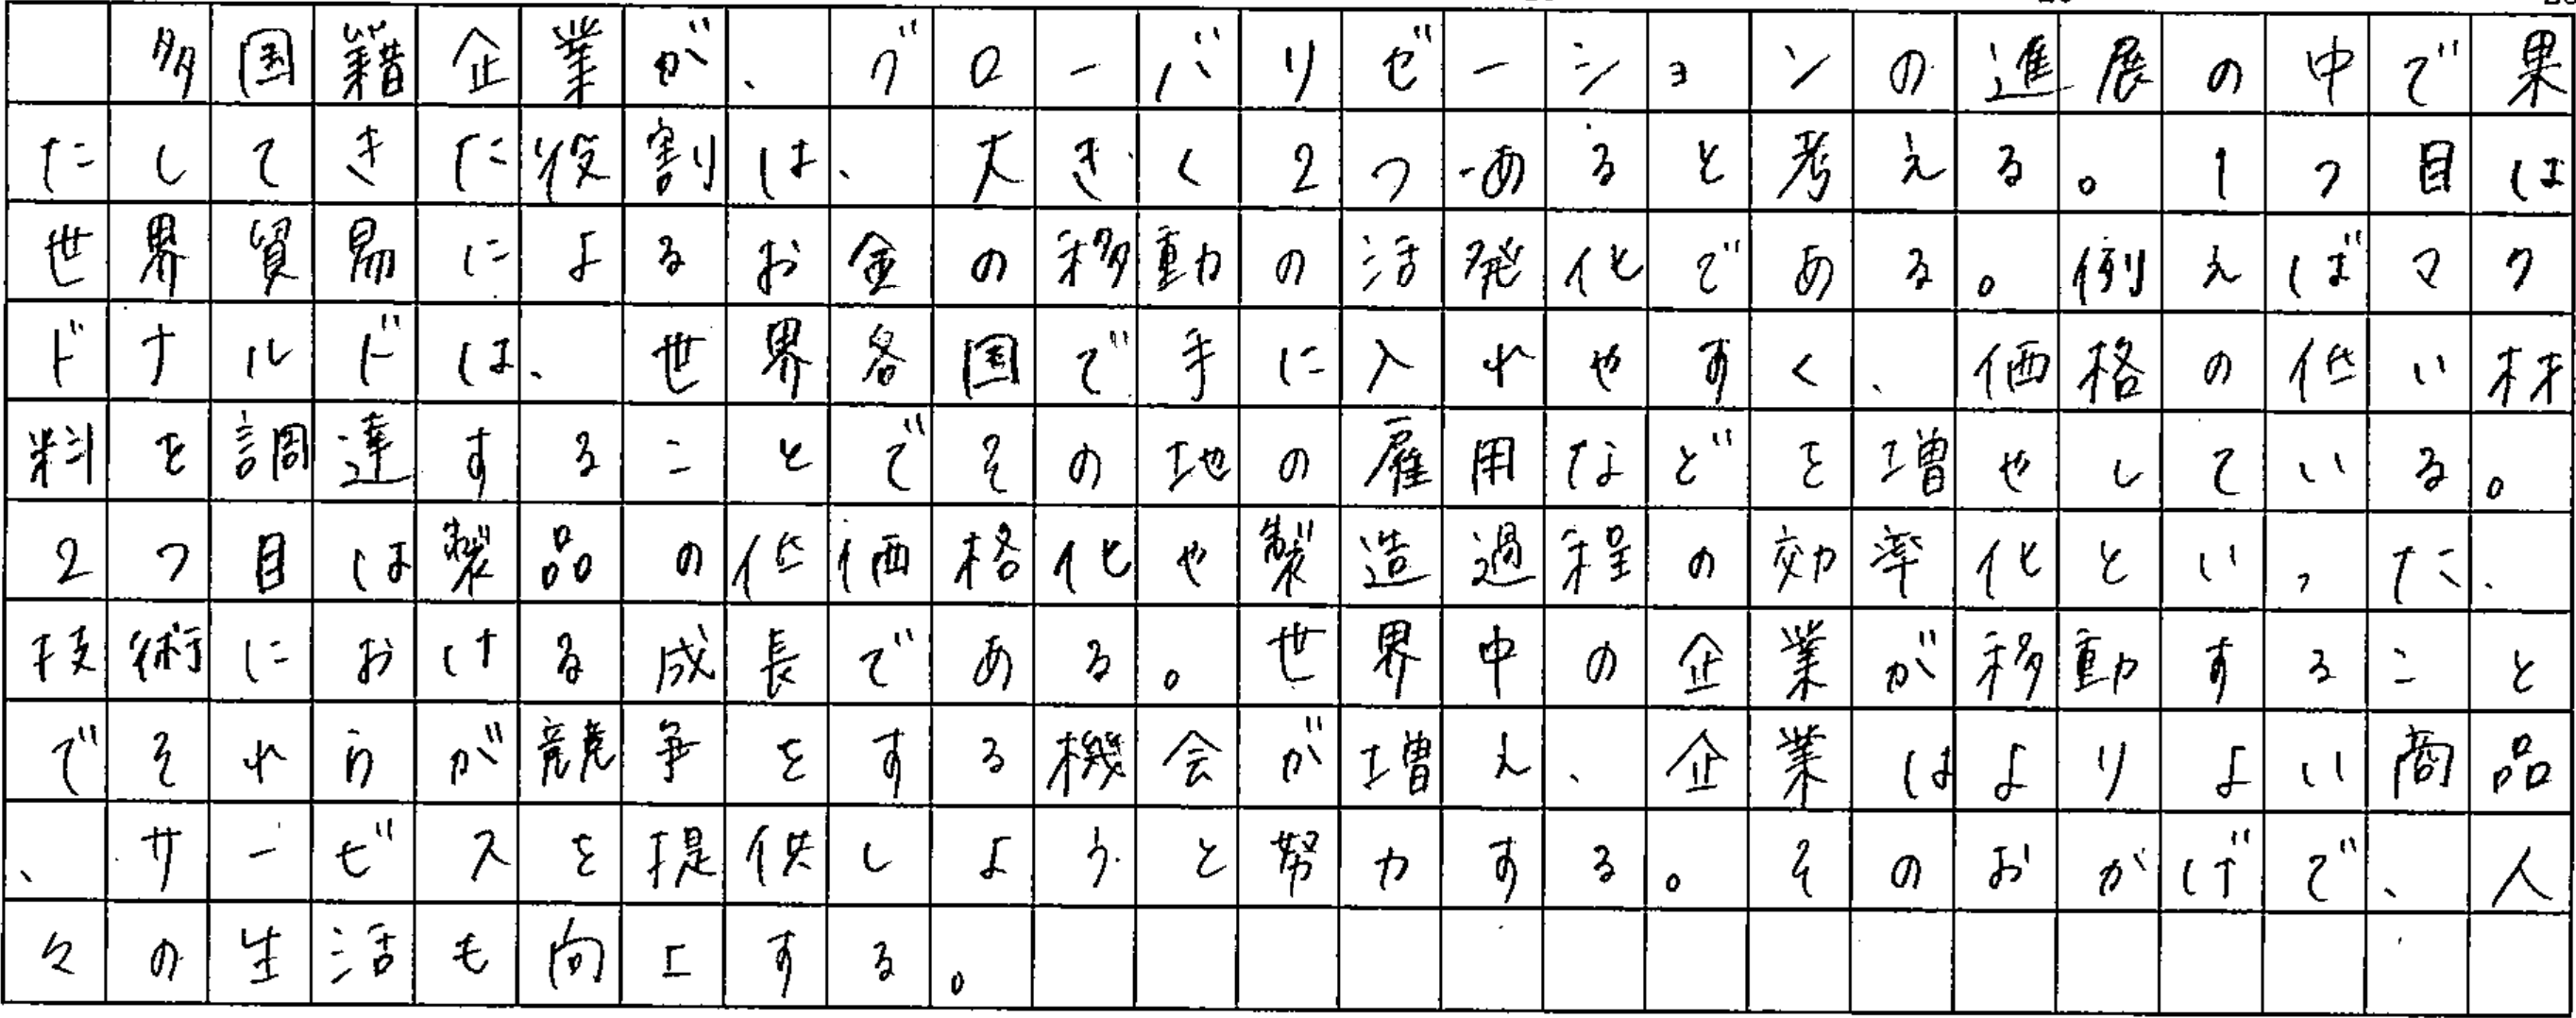　多国籍企業が、グローバリゼーションの進展の中で果たしてきた役割は、大きく２つあると考える。１つ目は世界貿易によるお金の移動の活発化である。例えばマクドナルドは、世界各国で手に入れやすく、価格の低い材料を調達することでその地の雇用などを増やしている。２つ目は製品の低価格化や製造過程の効率化といった、技術における成長である。世界中の企業が移動することでそれらが競争をする機会が増え、企業はよりよい商品、サービスを提供しようと努力する。そのおかげで、人々の生活も向上する。
